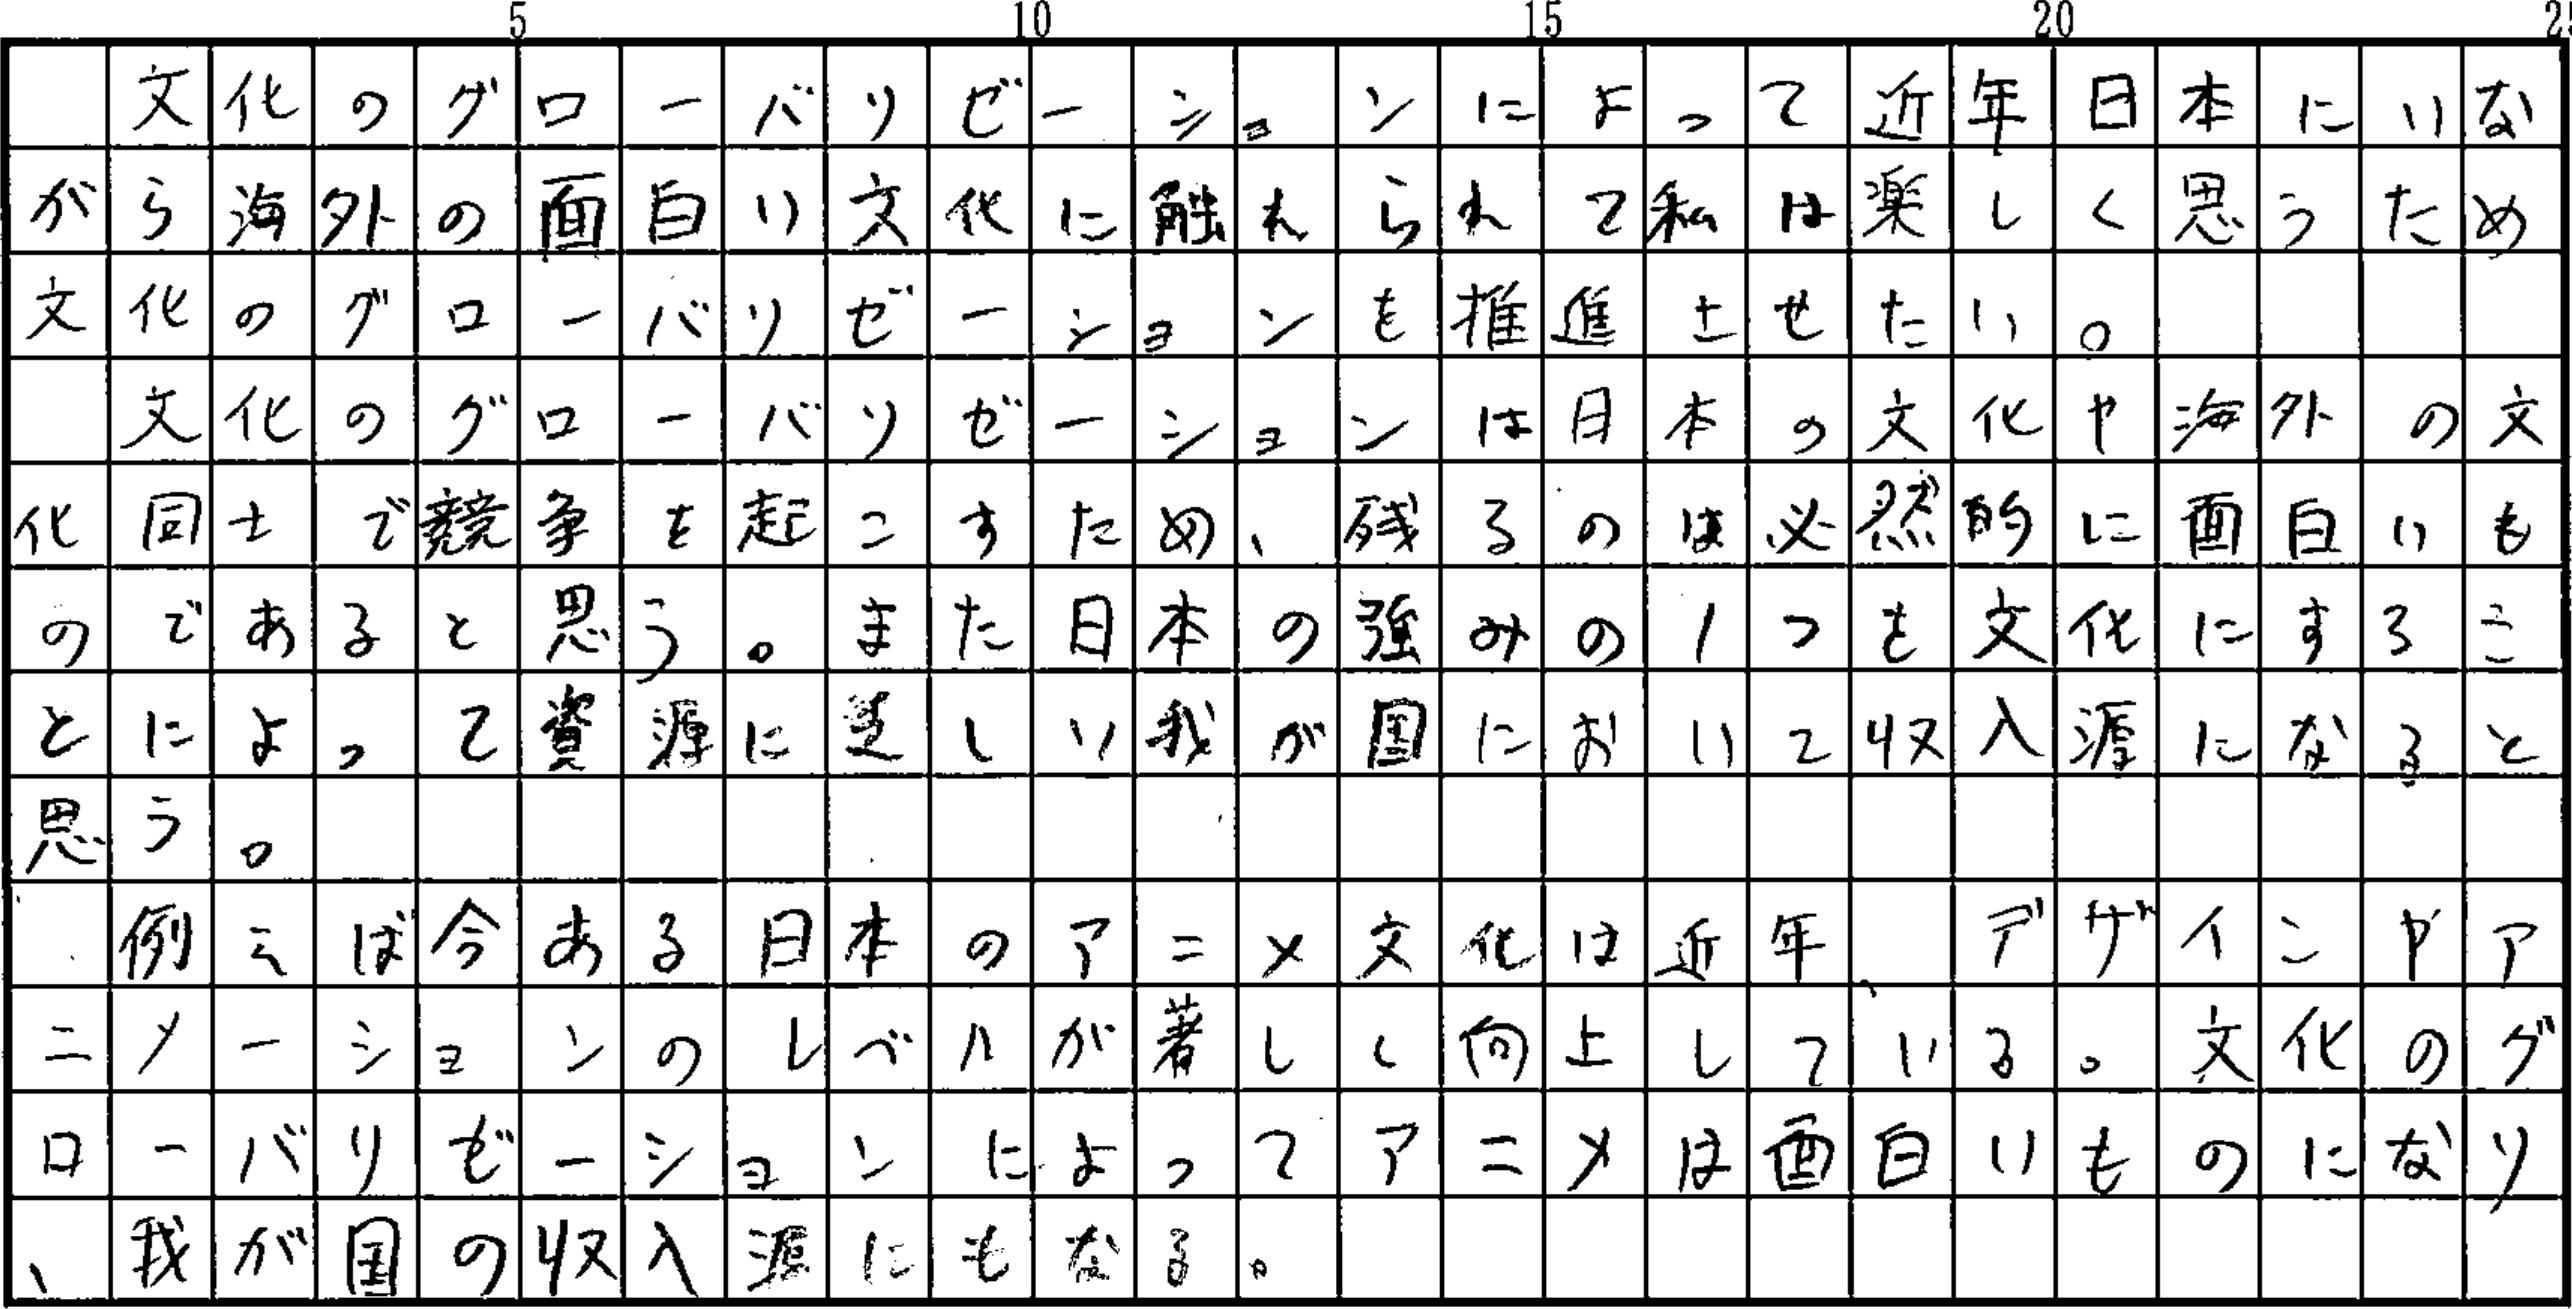　文化のグローバリゼーションによって近年日本にいながら海外の面白い文化に触れられて私は楽しく思うため文化のグローバリゼーションを推進させたい。
　文化のグローバリゼーションは日本の文化や海外の文化同士で競争を起こすため、残るのは必然的に面白いものであると思う。また日本の強みの１つを文化にすることによって資源に乏しい我が国において収入▁になると思う。
　例えば今ある日本のアニメ文化は近年、デザインやアニメーションのレベルが著しく向上している。文化のグローバリゼーションによってアニメは面白いものになり、我が国の収入▁にもなる。
